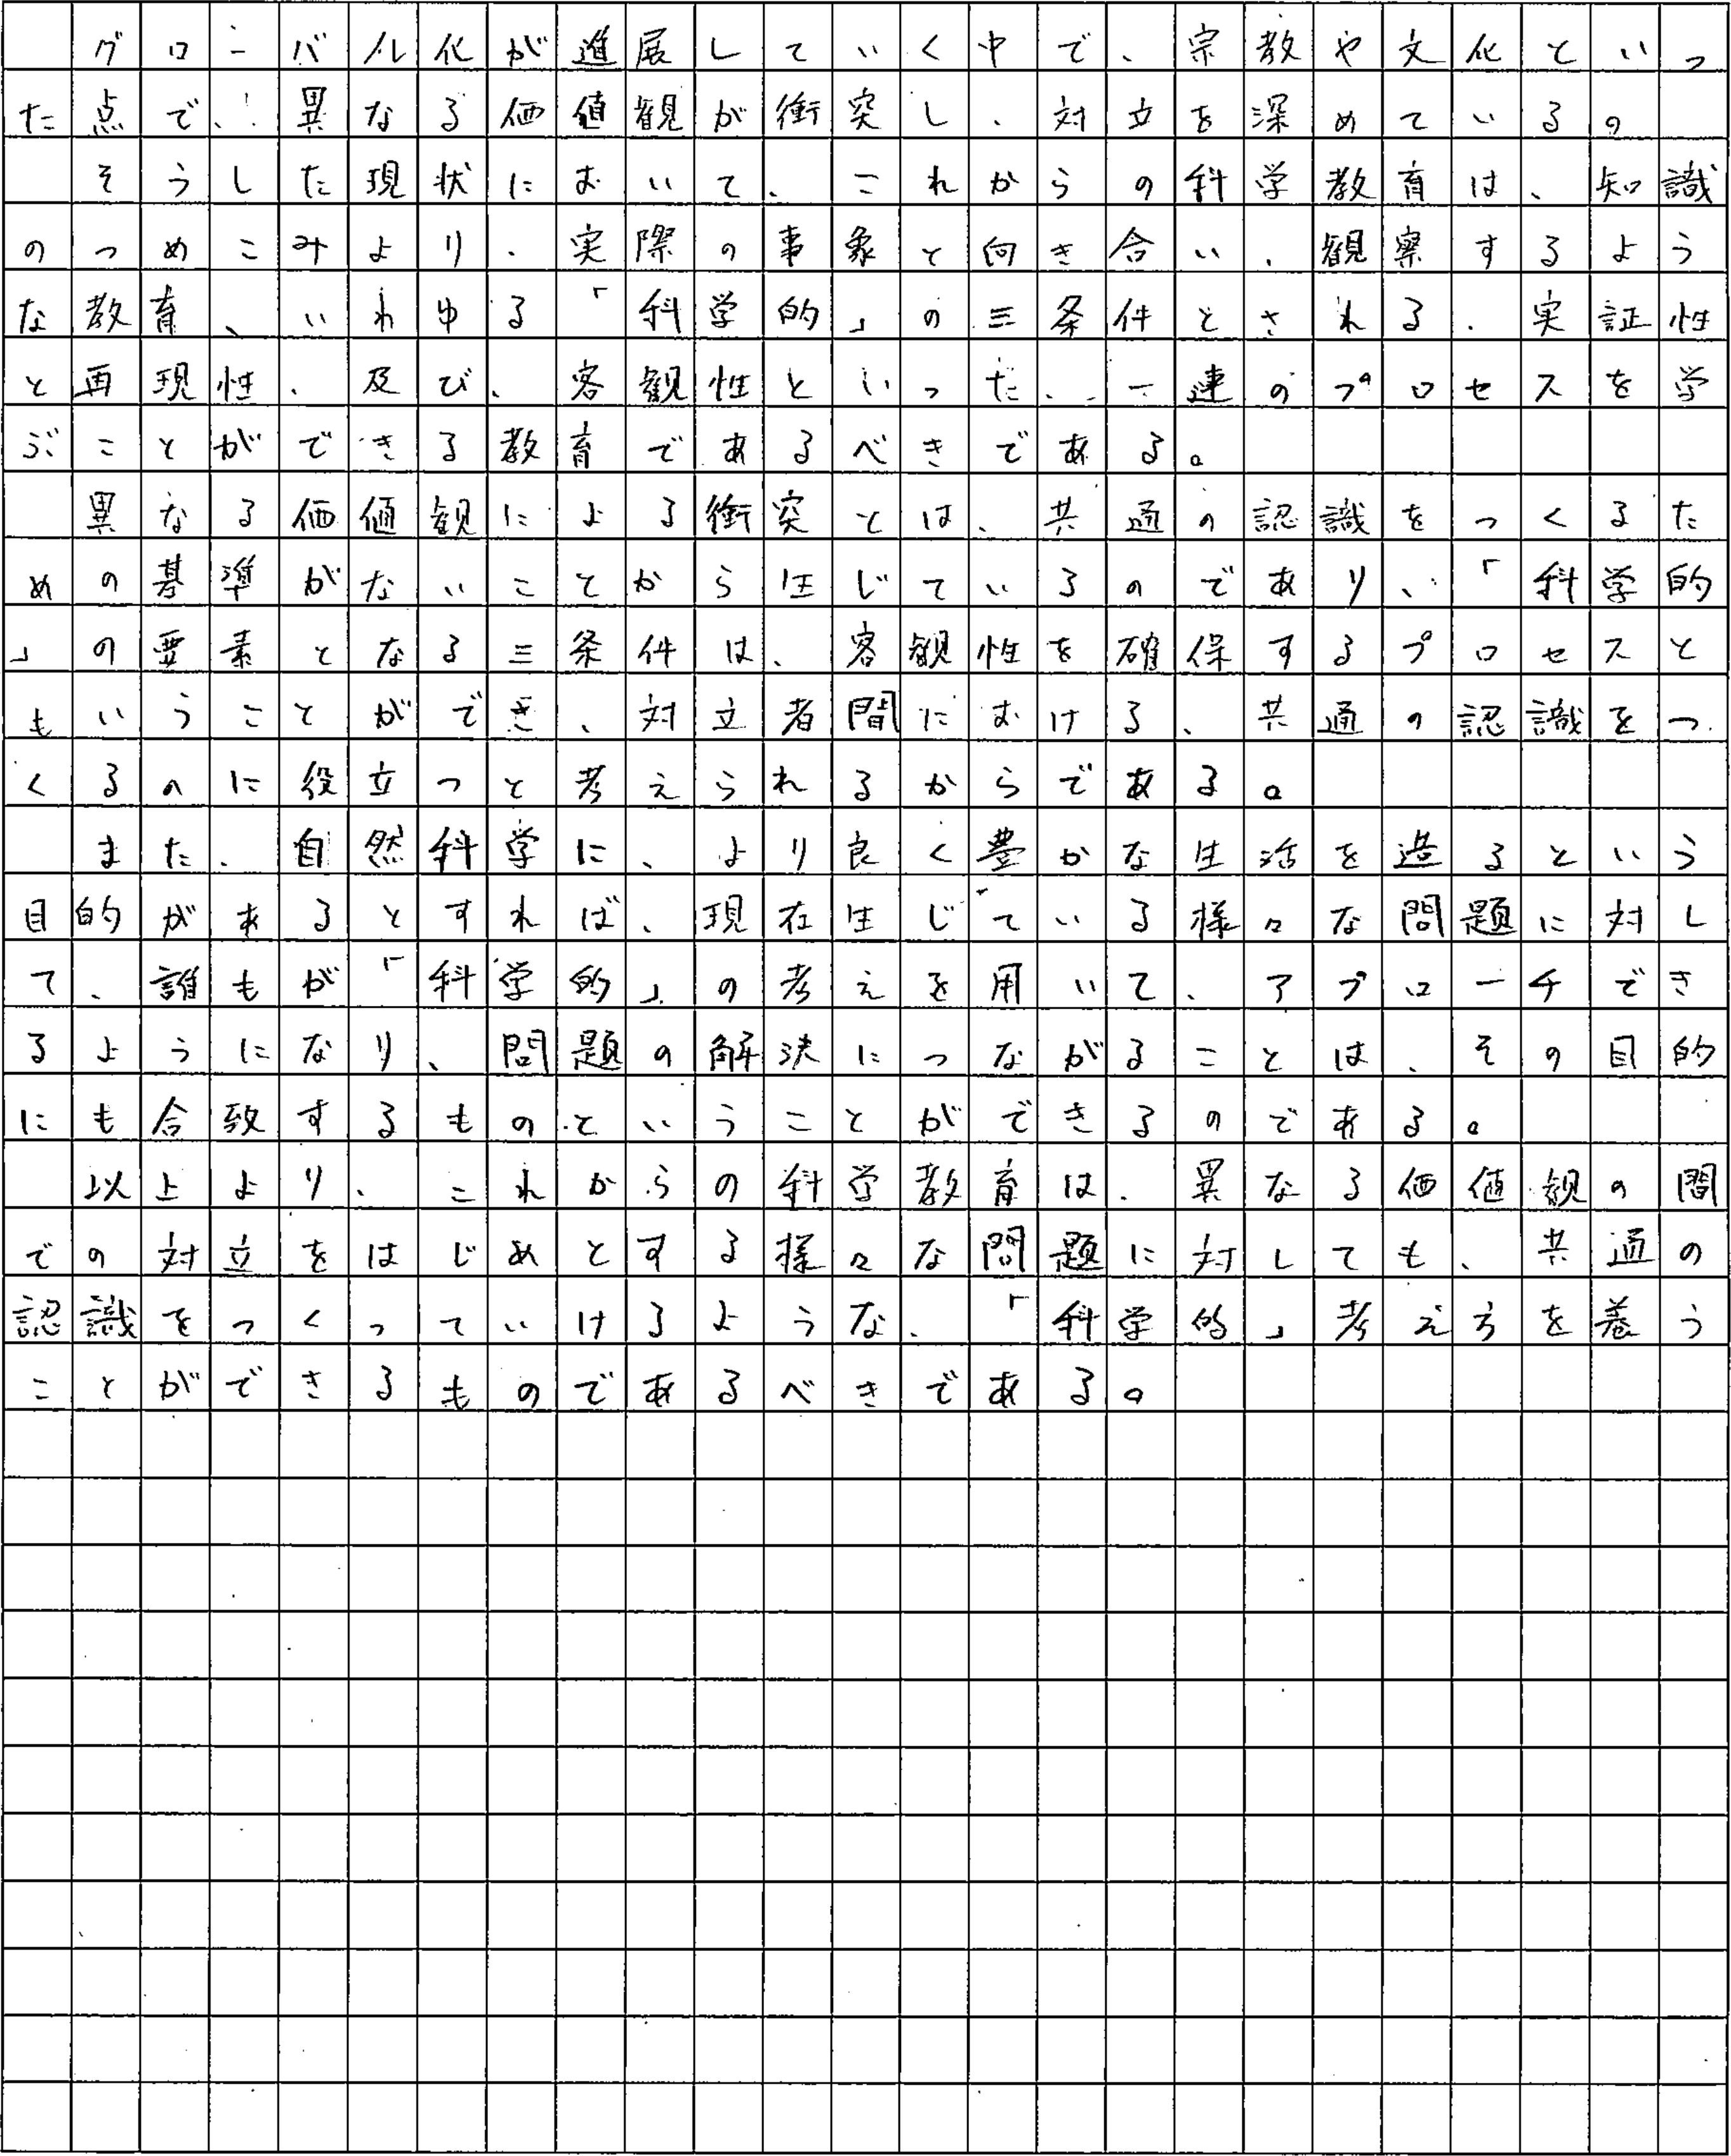　グローバル化が進展していく中で、宗教や文化といった点で、異なる価値観が衝突し、対立を深めている。
　そうした現状において、これからの科学教育は、知識のつめこみより、実際の事象と向き合い、観察するような教育、いわゆる「科学的」の三条件とされる、実証性と再現性、及び、客観性といった、一連のプロセスを学ぶことができる教育であるべきである。
　異なる価値観による衝突とは、共通の認識をつくるための基準がないことから生じているのであり、「科学的」の要素となる三条件は客観性を確保するプロセスということができ、対立者間における、共通の認識をつくるのに役立つと考えられるからである。
　また、自然科学に、より良く豊かな生活を造るという目的があるとすれば、現在生じている様々な問題に対して、誰もが「科学的」の考えを用いて、アプローチできるようになり、問題の解決につながることは、その目的に合致するものということができるのである。
　以上より、これからの科学教育は、異なる価値観の間での対立をはじめとする様々な問題に対しても、共通の認識をつくってけるような、「科学的」考え方を養うことができるものであるべきである。
